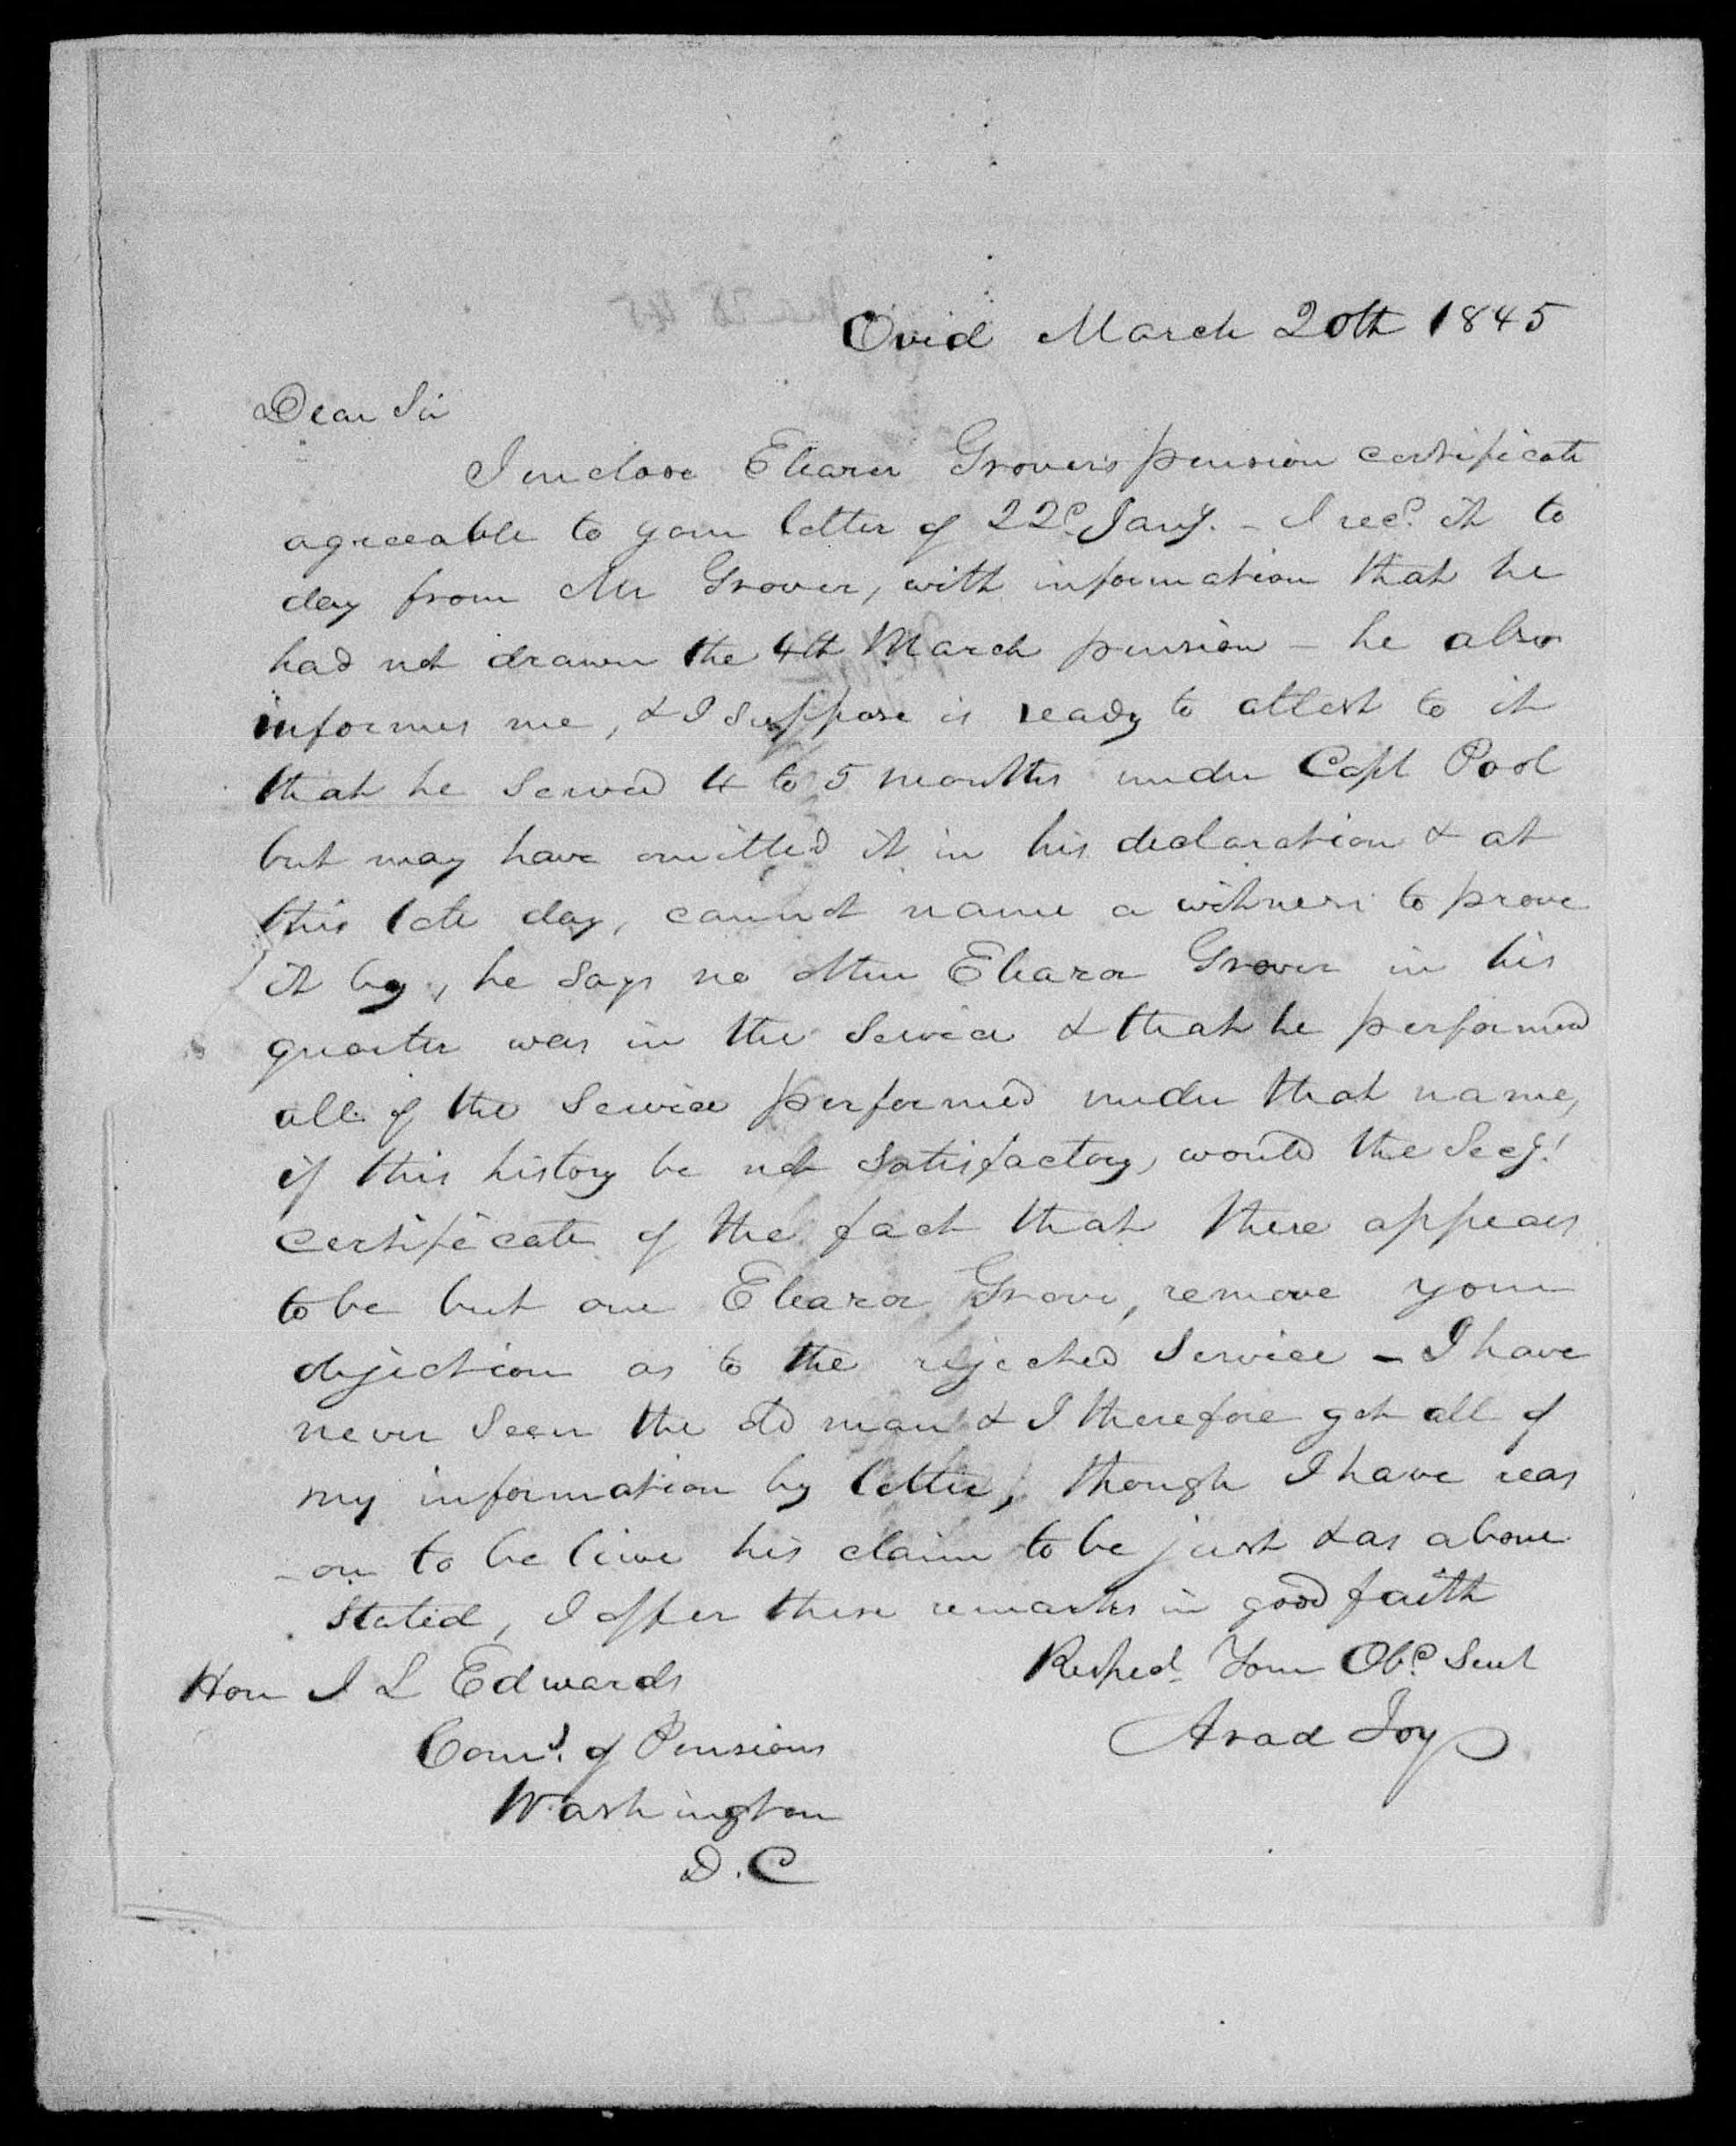[handwritten letter]
Ovid March 20th 1845

Dear sir
I enclose Eleazer Grover's pension certificate agreeable to your letter of 22d Jan'y - I rec'd it to day from Mr Grover, with information that he had not drawn the 4th March pension - he also informs me, & I suppose is ready to attest to it that he served 4 to 5 months under Capt Pool but may have omitted it in his declaration & at this late day, cannot name a witness to prove it by - he says no Men Eleazer Grover in his quarter was in the Service & that he performed all of the Service performed under that name, if this history be not satisfactory, would the Sec'y Certificate of the fact that there appears to be but one Eleazer Grover, remove your objection as to the rejected service - I have never seen the old man & therefore got all of my information by letter, though I have reason to believe his claim to be just & as above stated, I offer these remarks in good faith 
Respec't Your Ob't Servt
/s/Arad Joy

Hon J L Edwards
Com'r of Pensions
Washington D.C.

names: Arad Joy, J L Edwards, Eleazer Grover, Pool, Eleazor Grove, Grover, Eleazor Grover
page: 30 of 43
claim: survivor's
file: S. 28748, Eleazer Grover, Continental Mass. Vt.